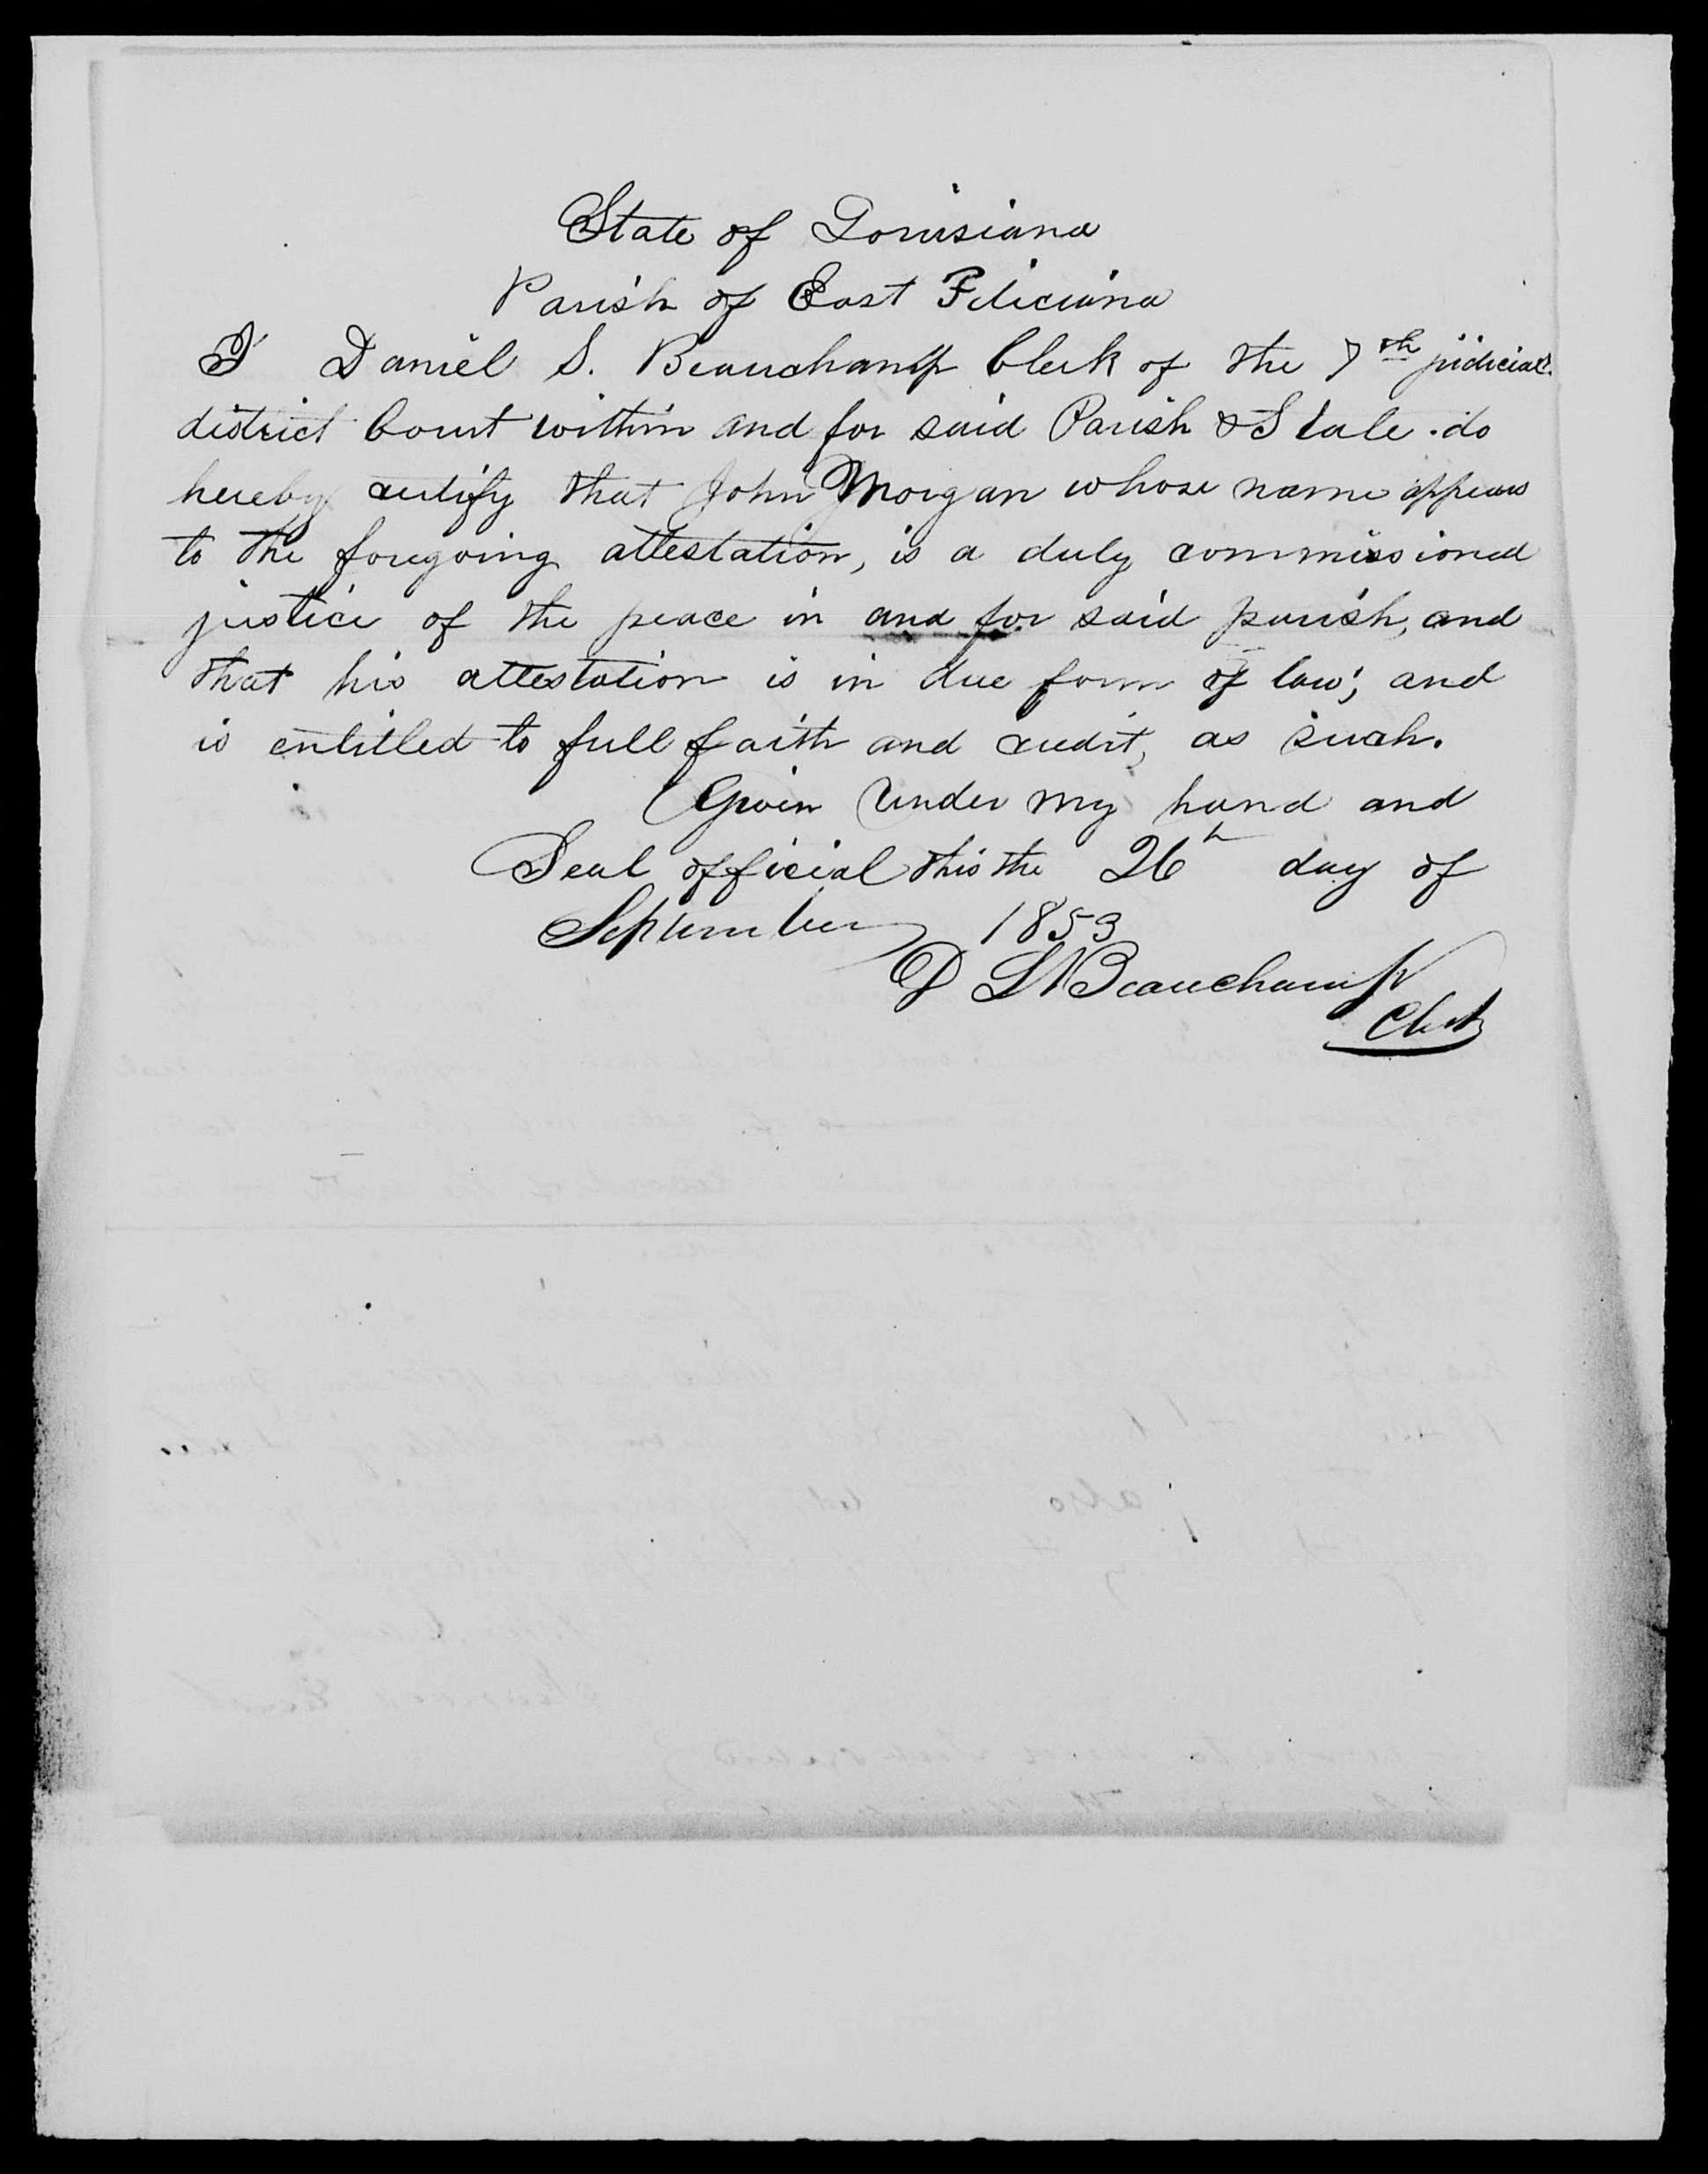State of Louisiana
Parish of East Feliciana
I Daniel S. Beauchamp Clerk of the 7th Judicial
district Court within and for said Parish & State do
hereby certify that John Morgan whose name appears
to the foregoing attestation, is a duly commissioned
justice of the peace in and for said parish, and
that his attestation is in due form of law; and
is entitled to full faith and credit, as such.

Given under my hand and
Seal official this the 26th day of
September 1853

C
D S Beauchamp
Clerk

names: D S Beauchamp, John Morgan, Daniel S Beauchamp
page: 34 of 48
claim: rejected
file: R. 2173, James P Collins, S. C.